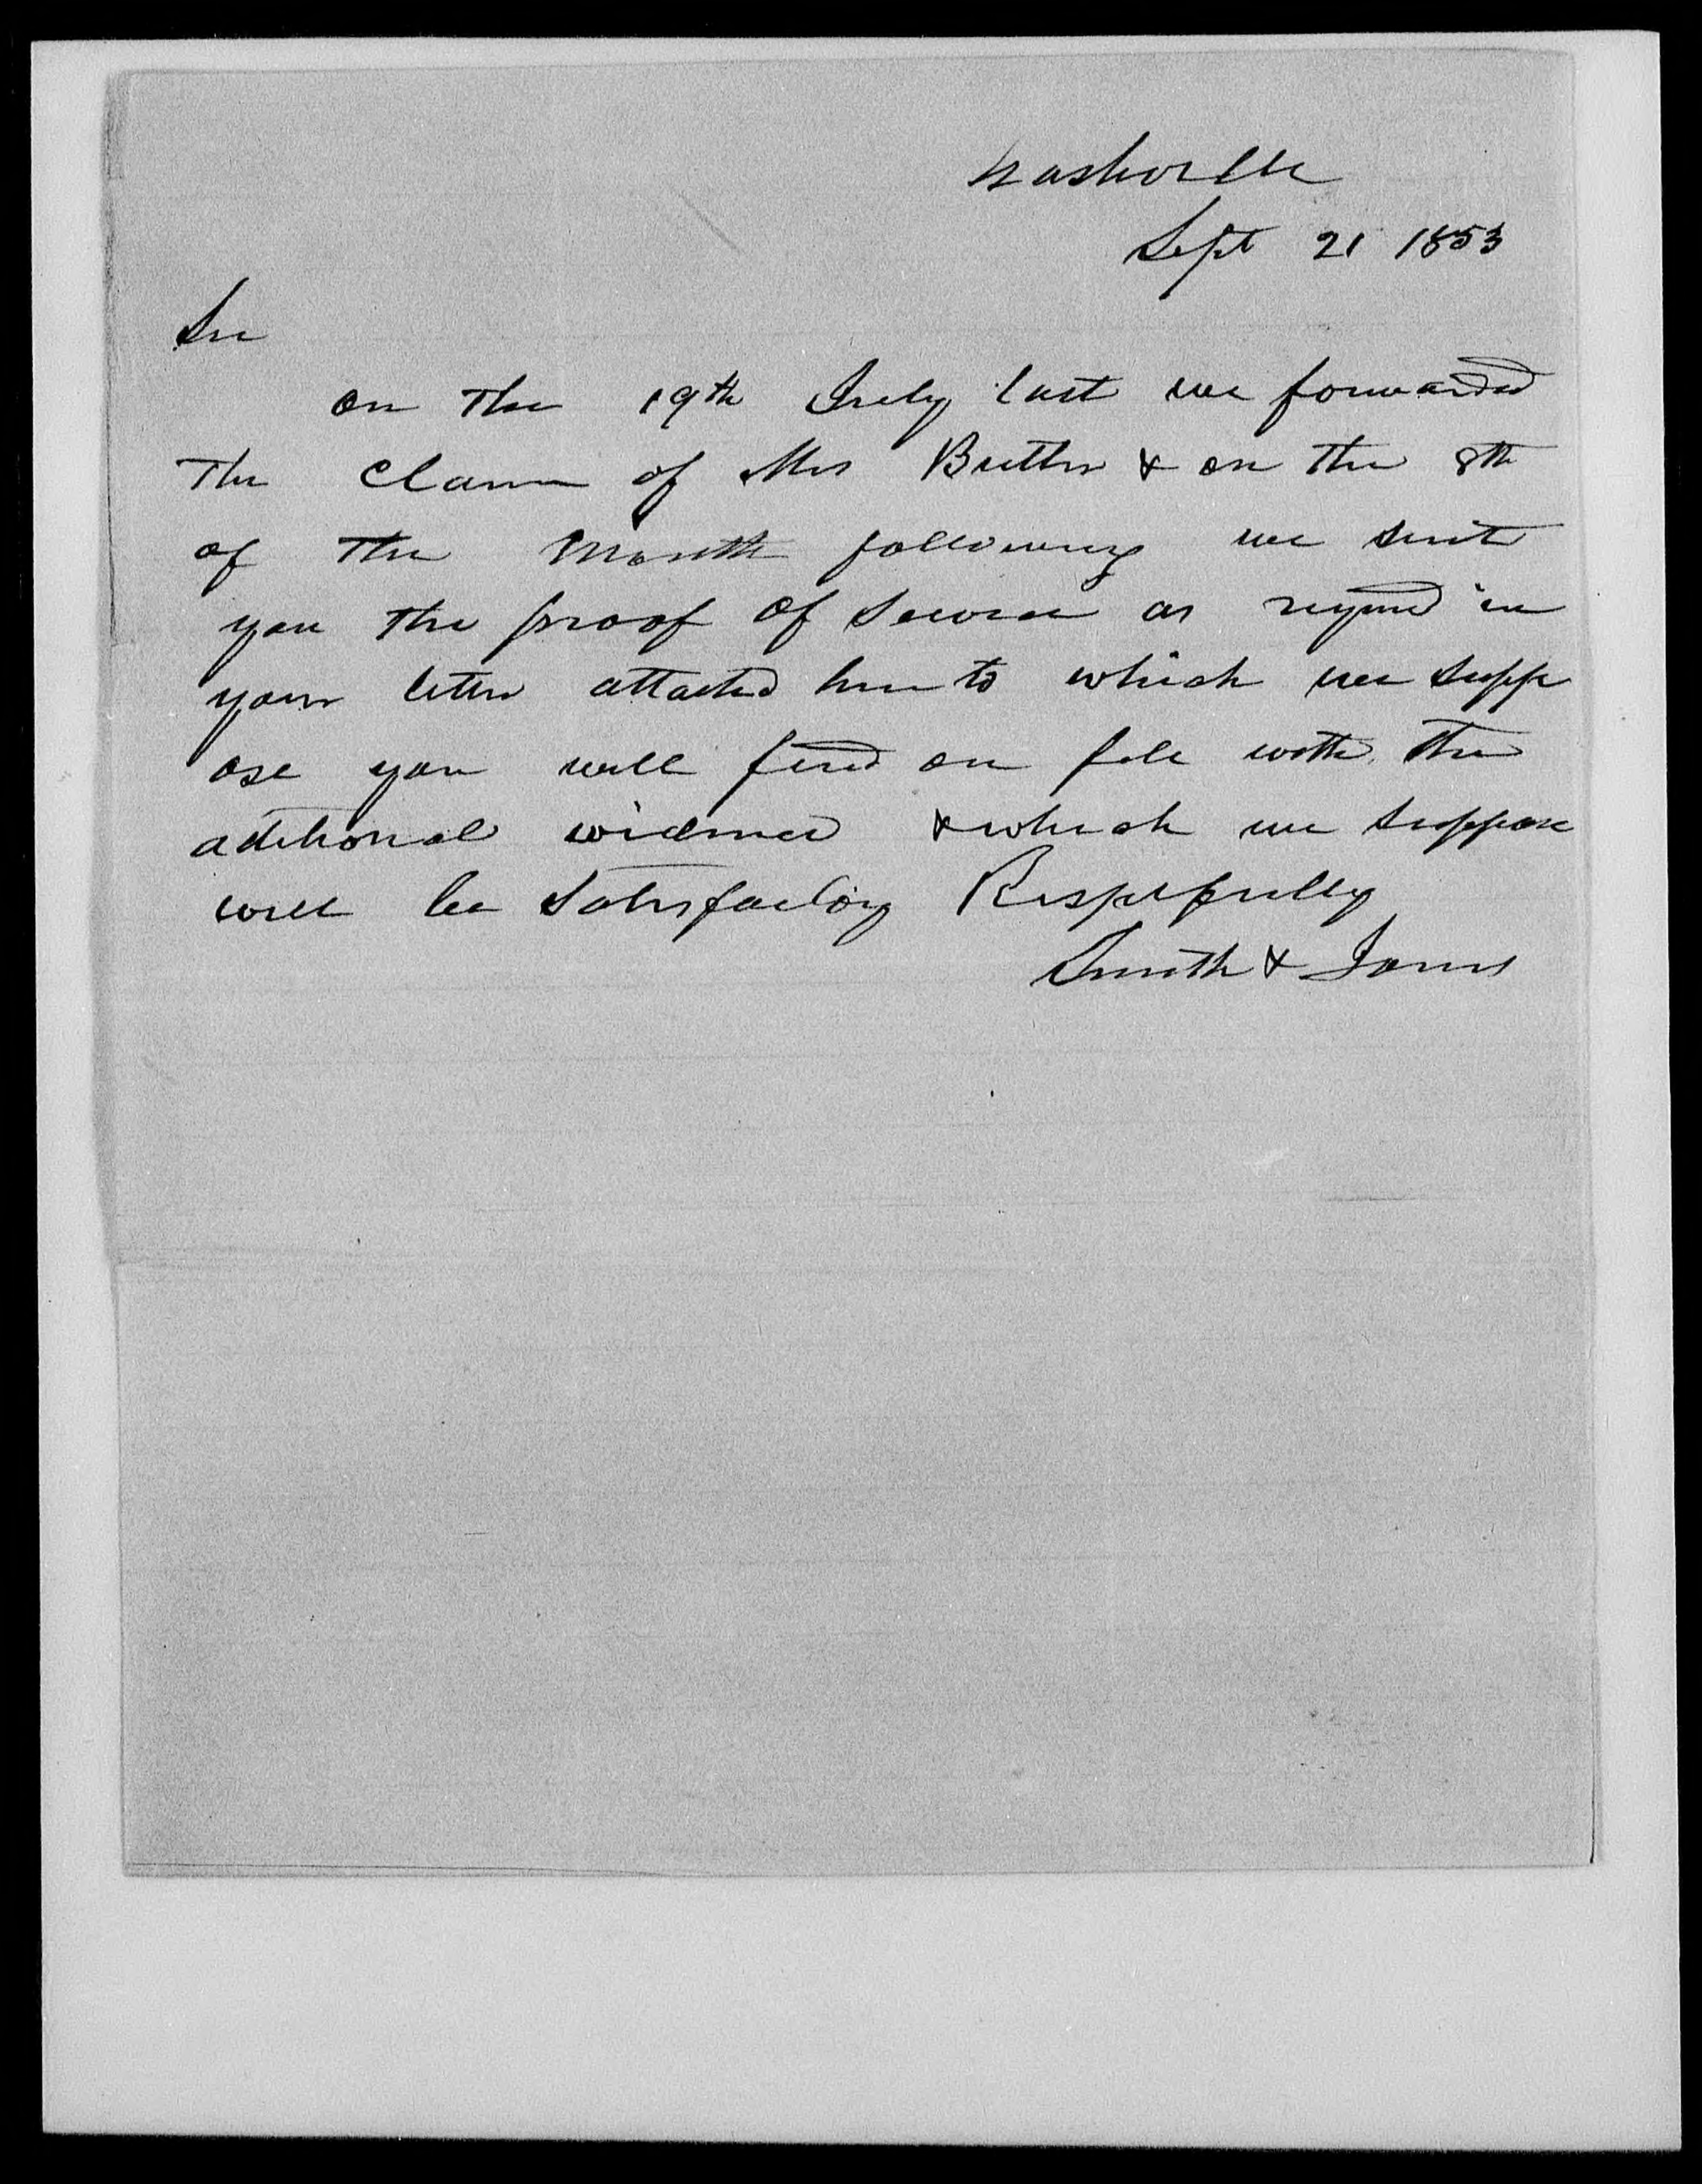Nashville
Sept 21 1853

Sir

On the 19th July last we forwarded
the claim of Mrs Butler & on the 8th
of the month following we sent 
you the proof of service as required in 
your letter attached hereto which we suppose
you will find on file with the 
additional evidence & which we suppose
will be satisfactory

Respectfully
Smith & Jones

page: 20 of 33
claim: rejected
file: R. 1554, for Richard Jones, North Carolina